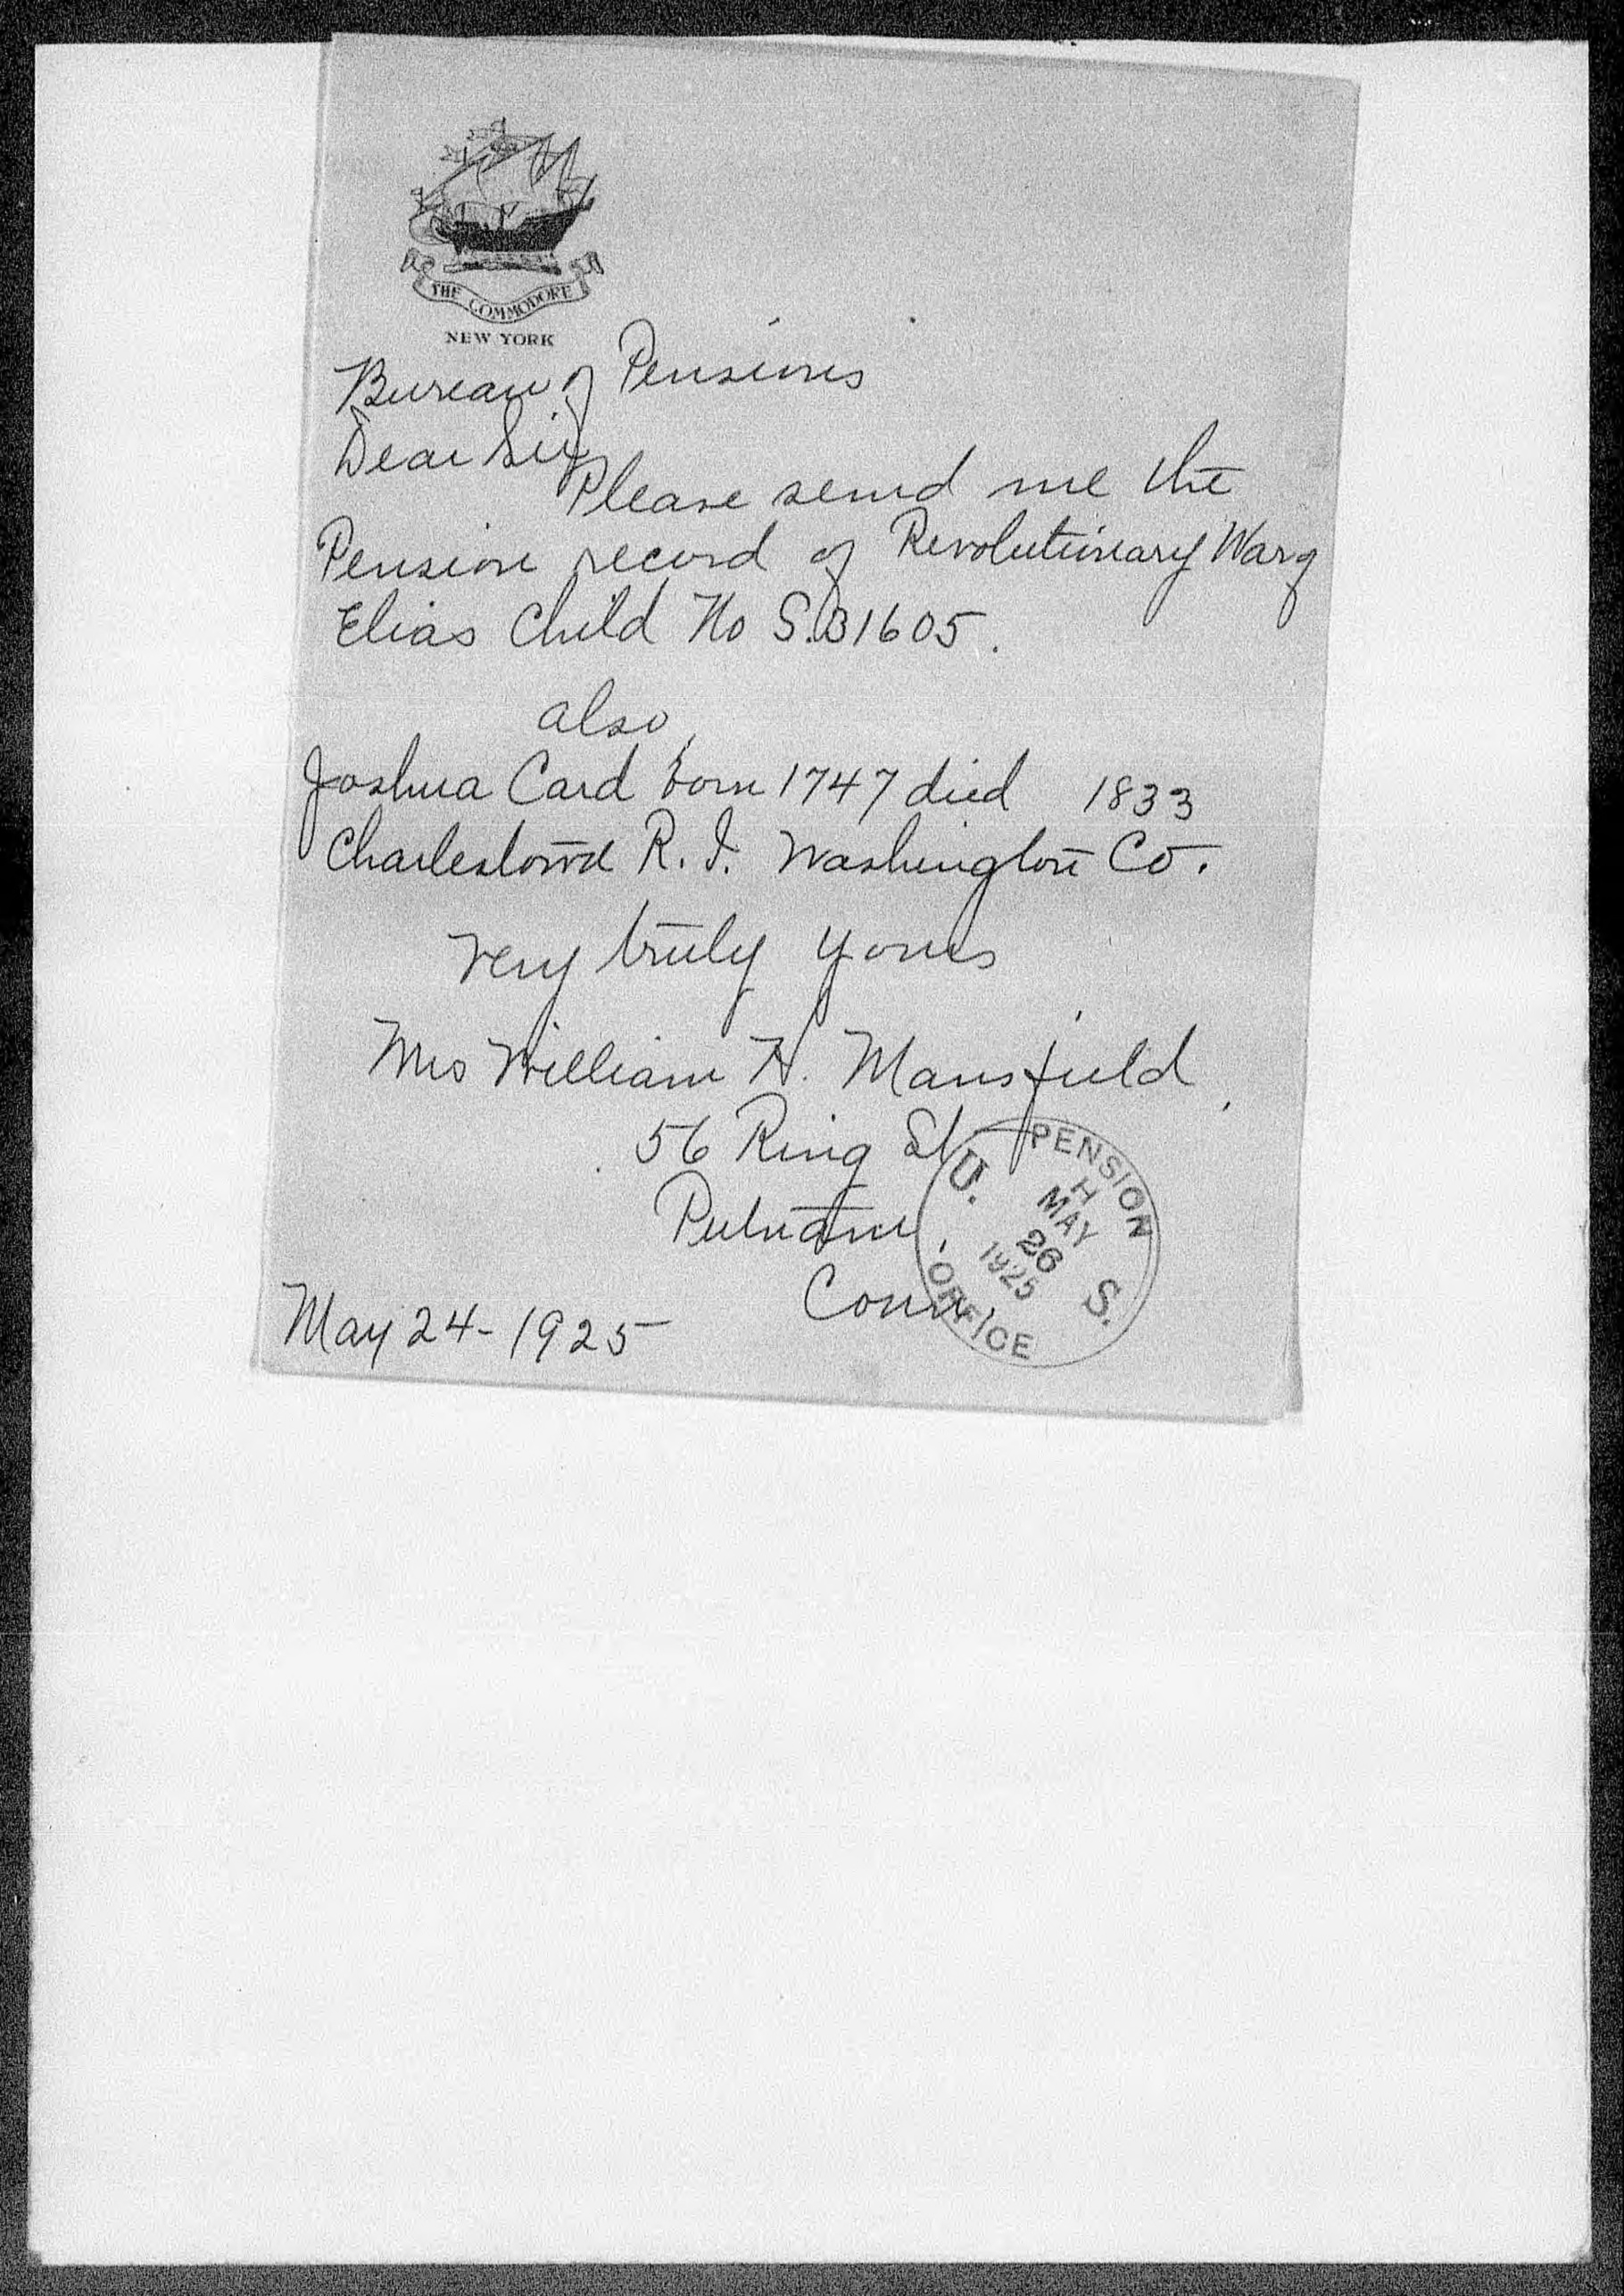THE COMMODORE NEW YORK
Bureau Pensions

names: William H Mansfield, Joshua Card, Elias Child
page: 28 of 34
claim: survivor's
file: S. 31,605, Elias Child, Conn.